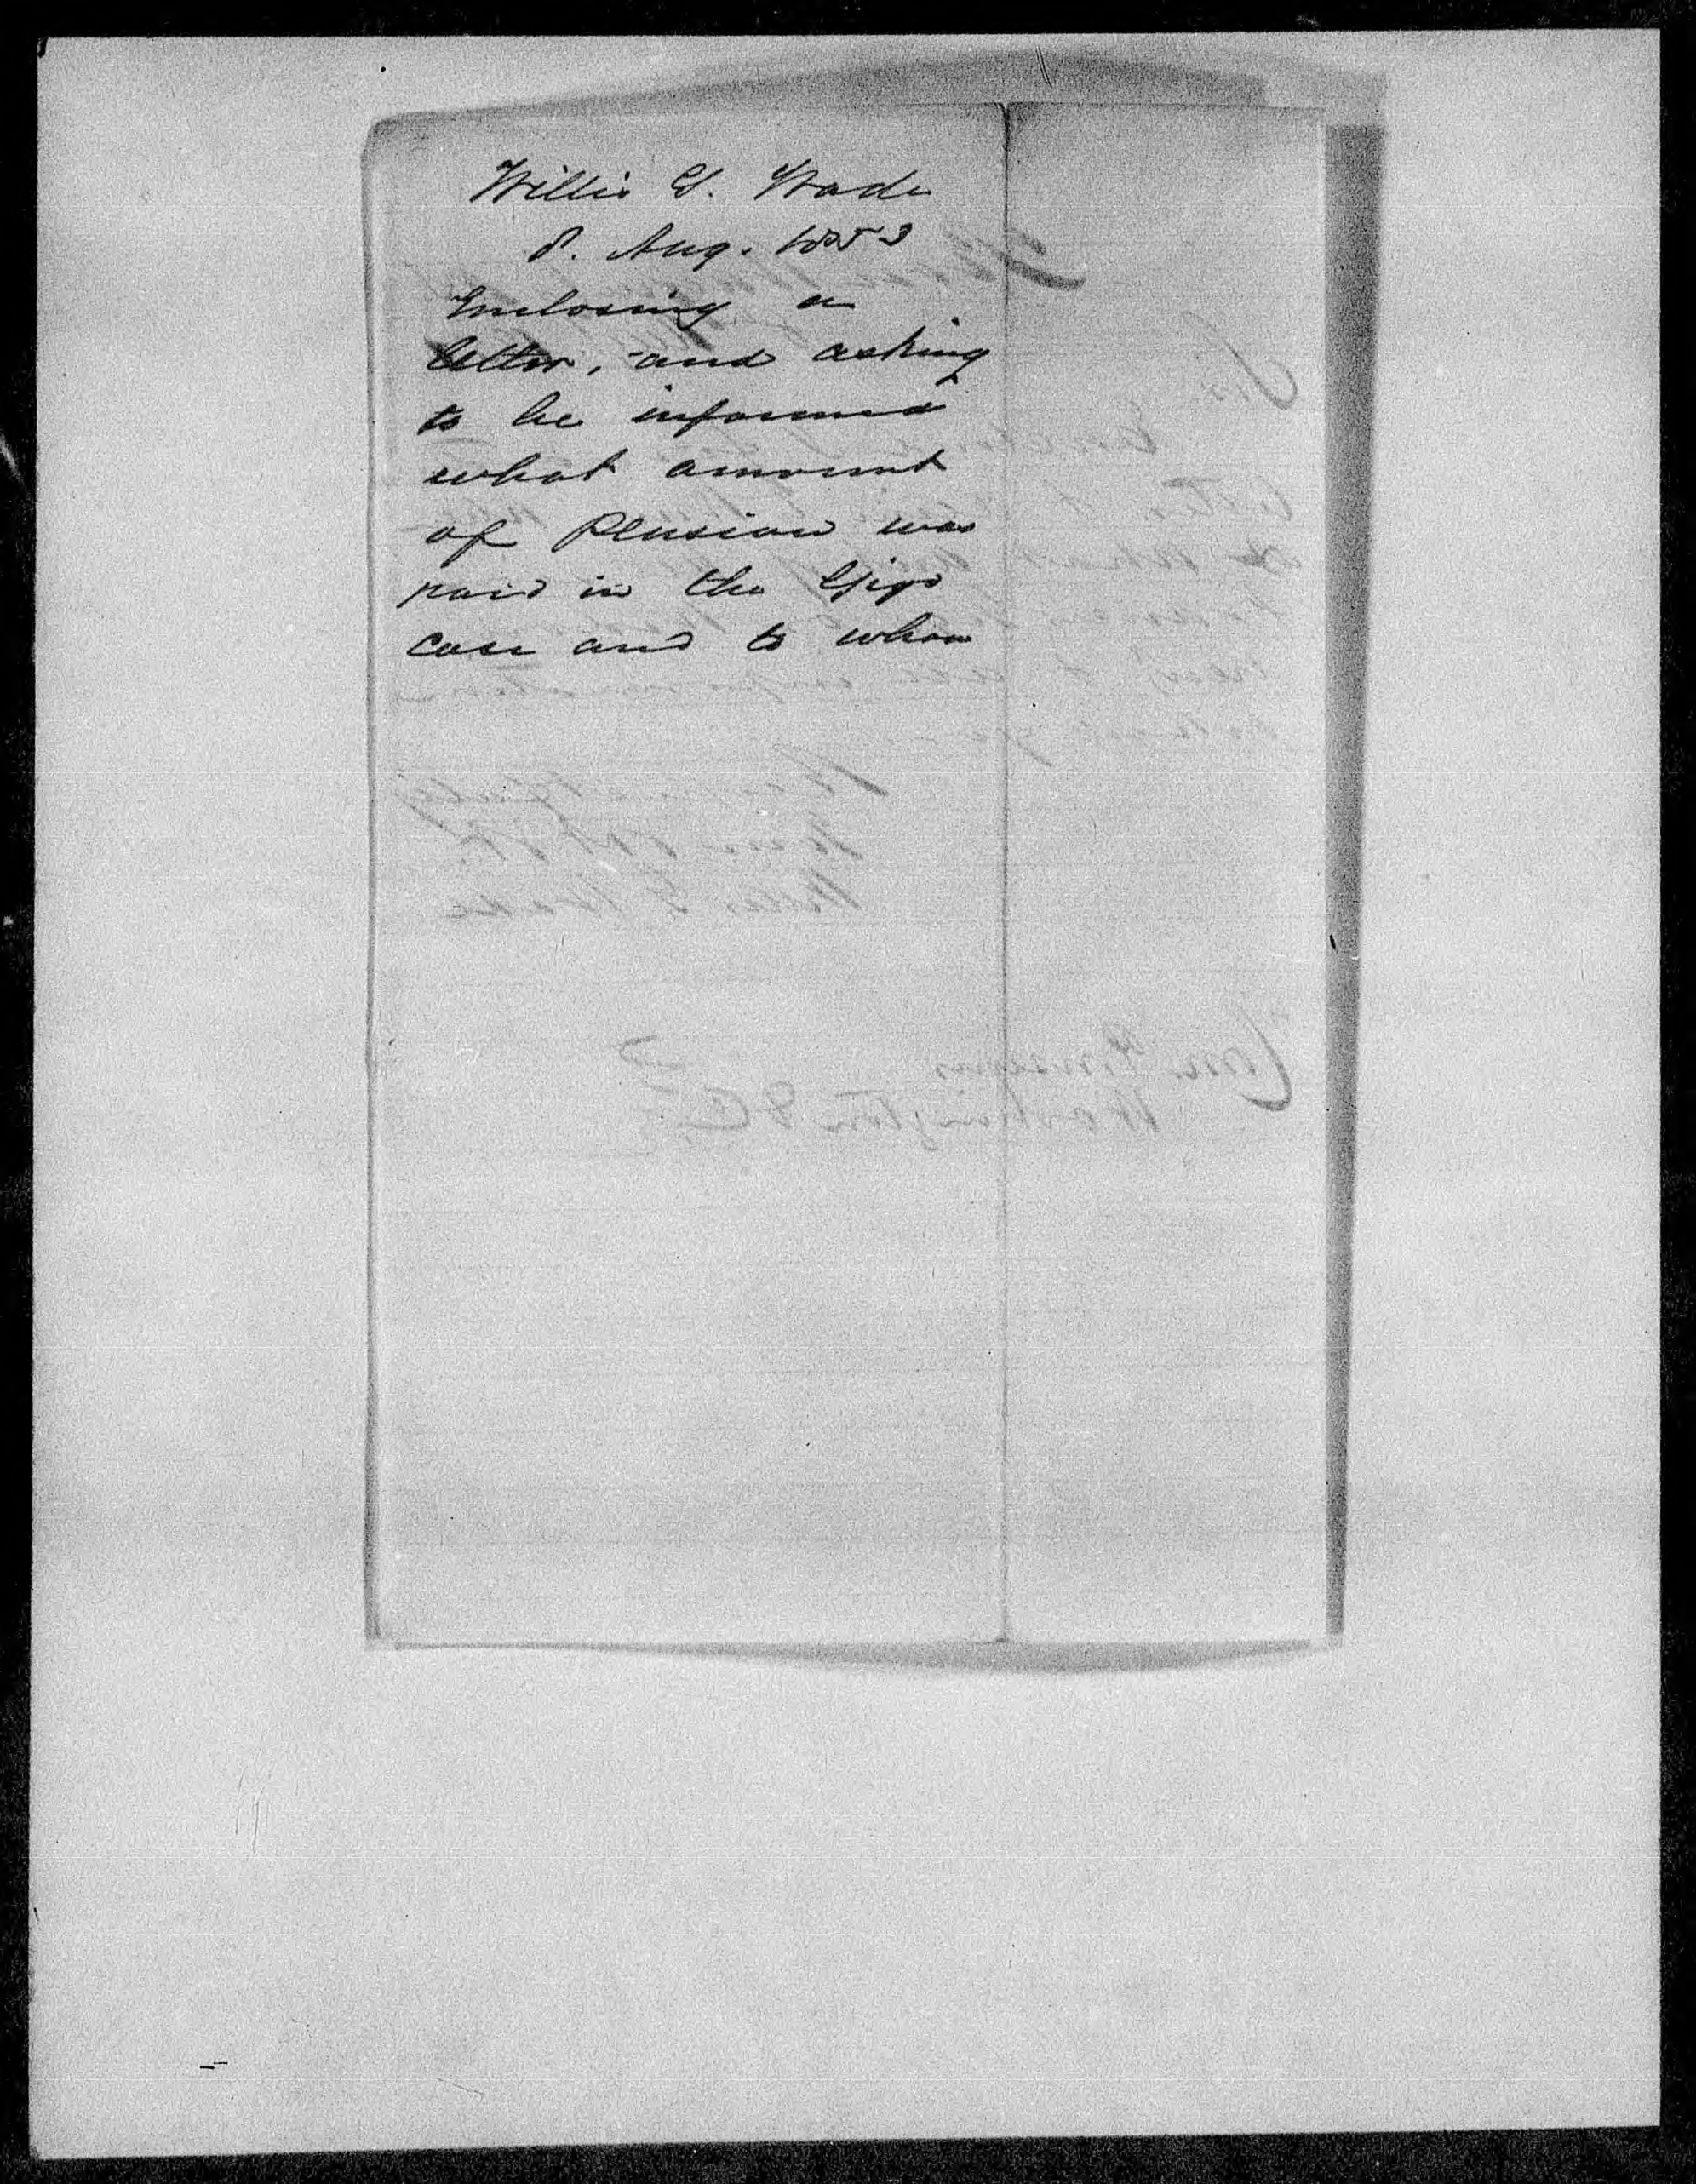Willis G Wade
8 Aug 1853

Enclosed a letter and asking to be informed what amount of pension was paid in the Gigo case and to whom.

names: Gigo, Willis G Wade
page: 86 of 98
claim: widow's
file: W. 21182, Francis Gigo, Continental (Canadian)